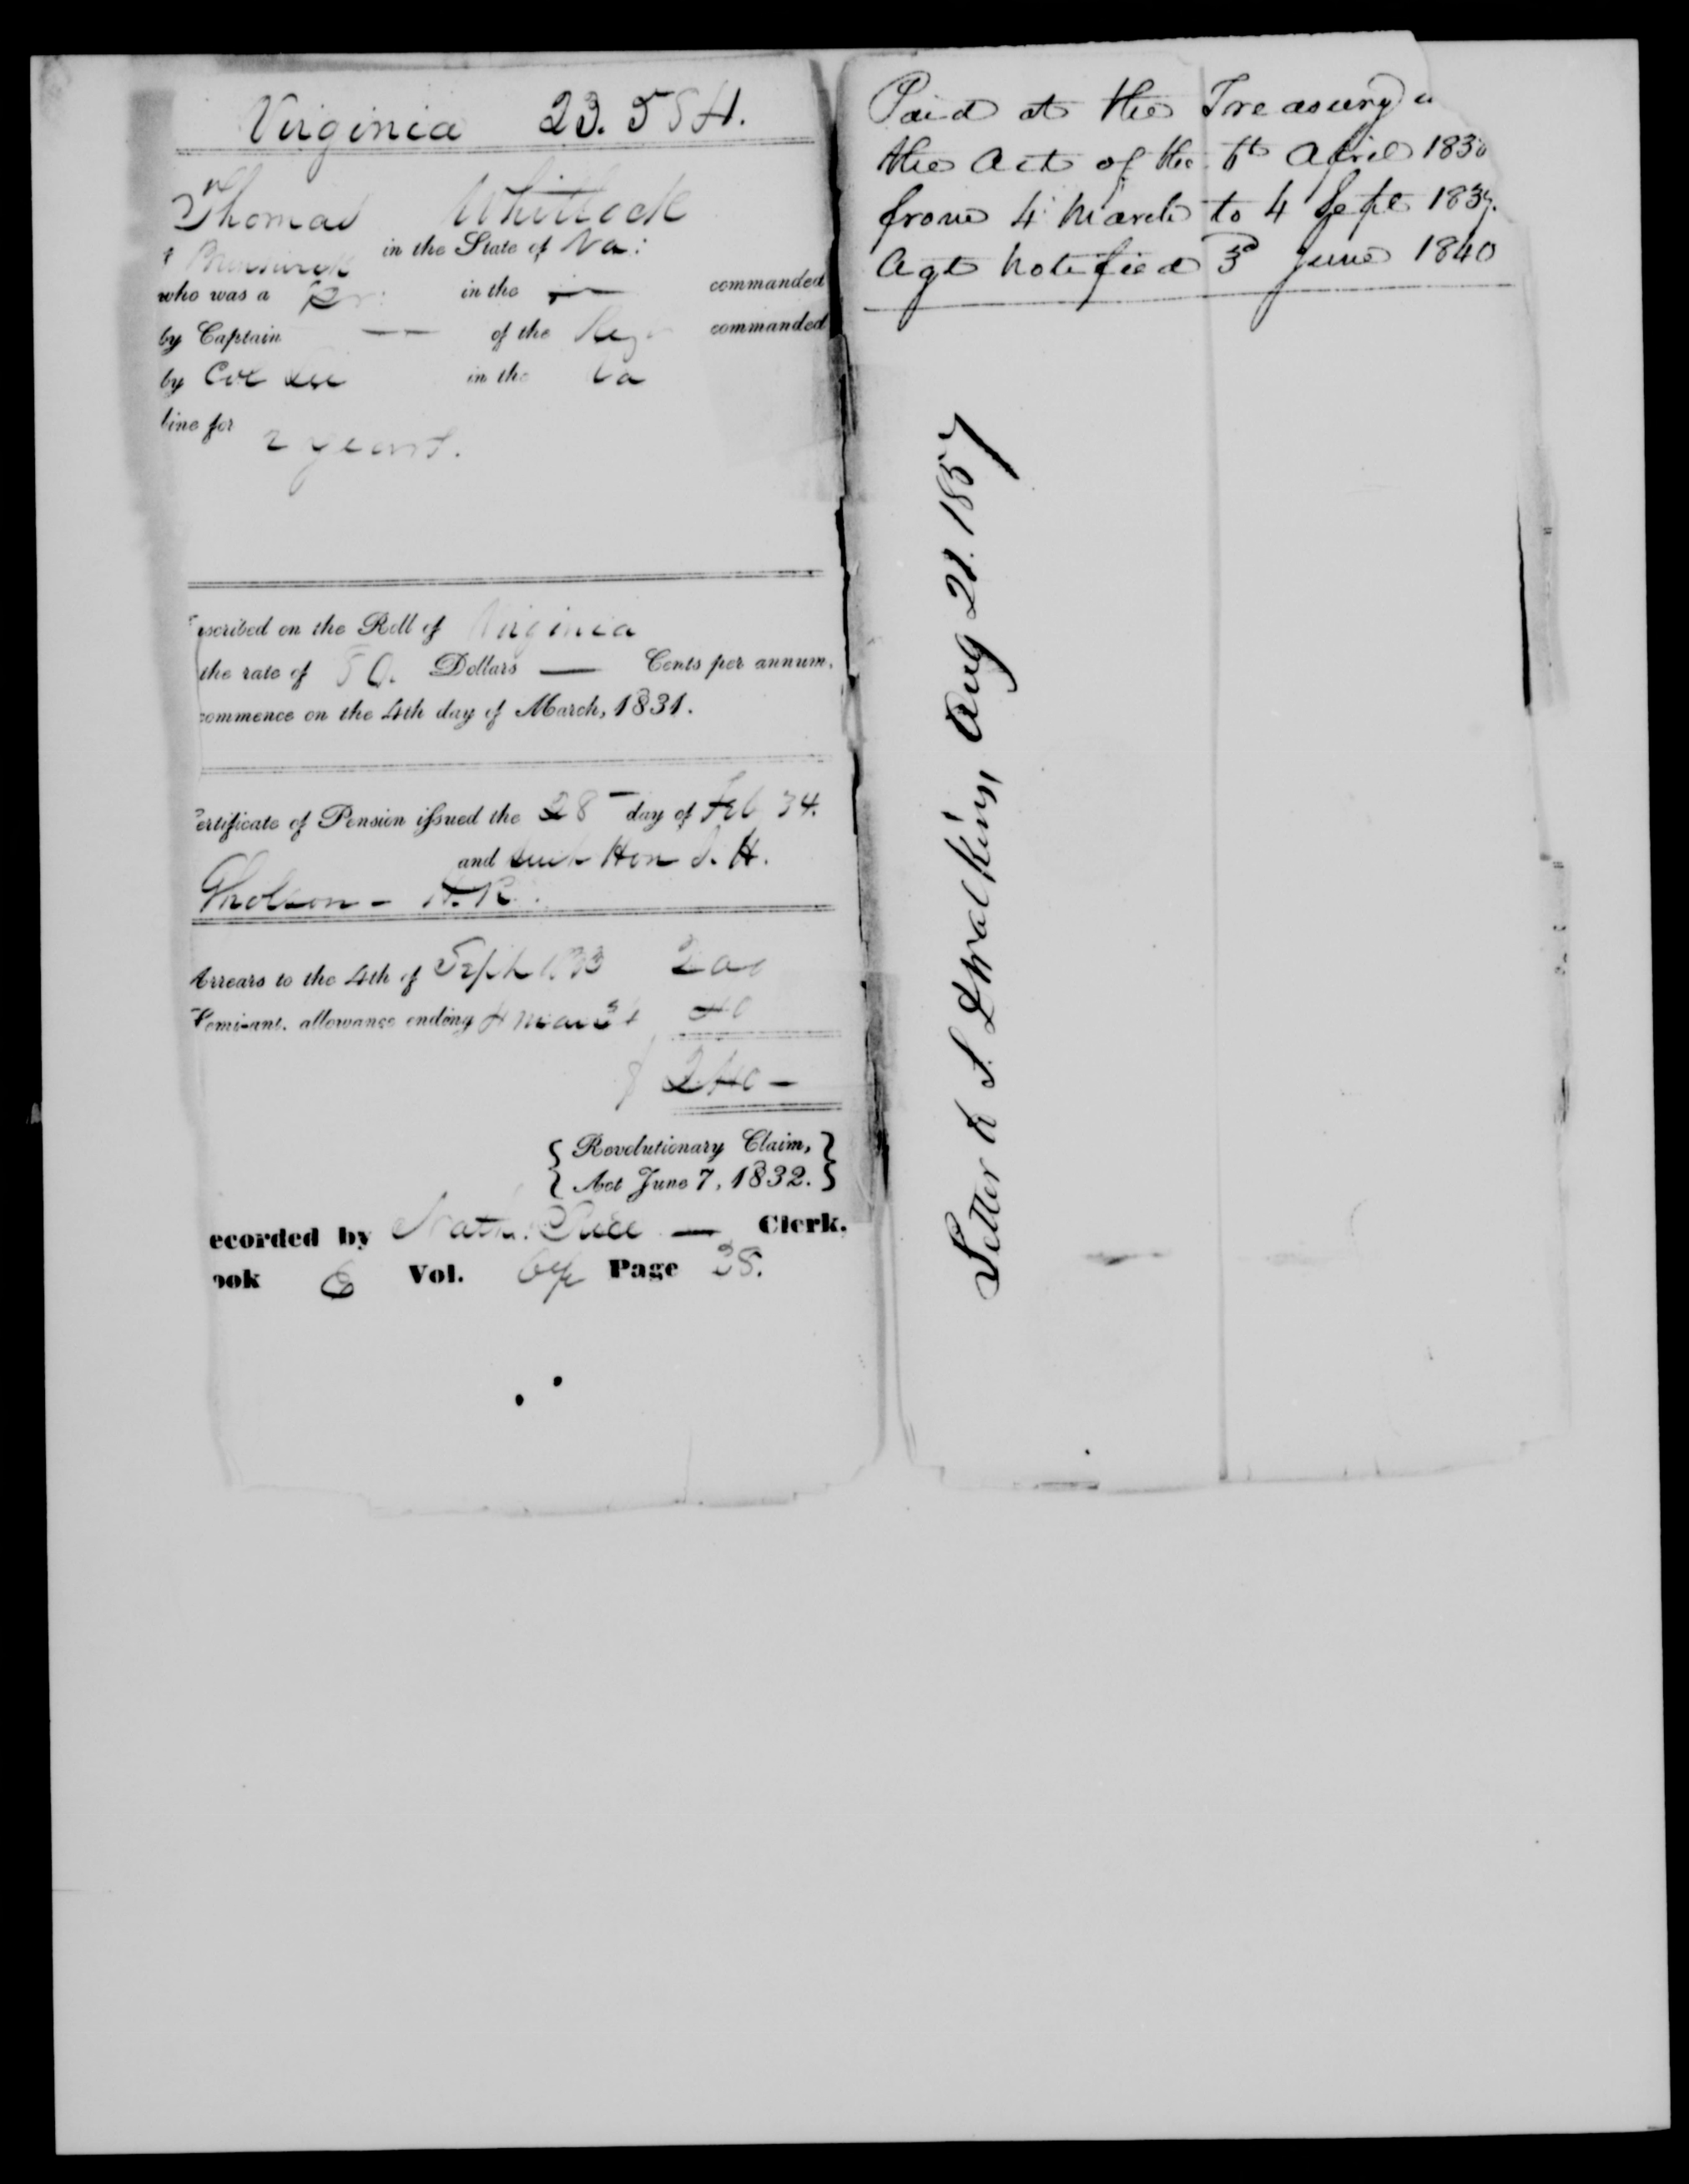Virginia 23.5SH.
Thomas Whithock
~Prunsir...~ in the state of VA:
who was a ~Pr:~ in the ~ commanded
by captain -- of the ~reg~ commanded
by Cue Lui in the Ra
line for 2 years.

--

~escribed on the roll of Virginia
the rate of 80. Dollars - cents per annum.
commence on the 4th day of March, 1834.

--

Certificate of Pension issued the 28- day of Feb 34.
and ~suih Hun (???)
~(???)

--

Arrears to the 4th of Sep ~ (???)
Semi-~ant. allowance ending  ~(???)
200
40
$240-
{revolutionary claim,}
{Act June 7, 1832.}
~Recorded by Nathan Rice - clerk,
book ~ Vol. ~ page 28.


Paid at the treasury a
~A (???) act of the ~(???) april 183~8?
age ho~(???) 3 June 1840
--

letter to ~F.(???) Aug 21. 1857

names: Nathn Rice, S L Walkins, Lee, J H Gholson, Thomas Whitlock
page: 2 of 32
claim: survivor's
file: S. 16020, Thomas Whitlock, Va.